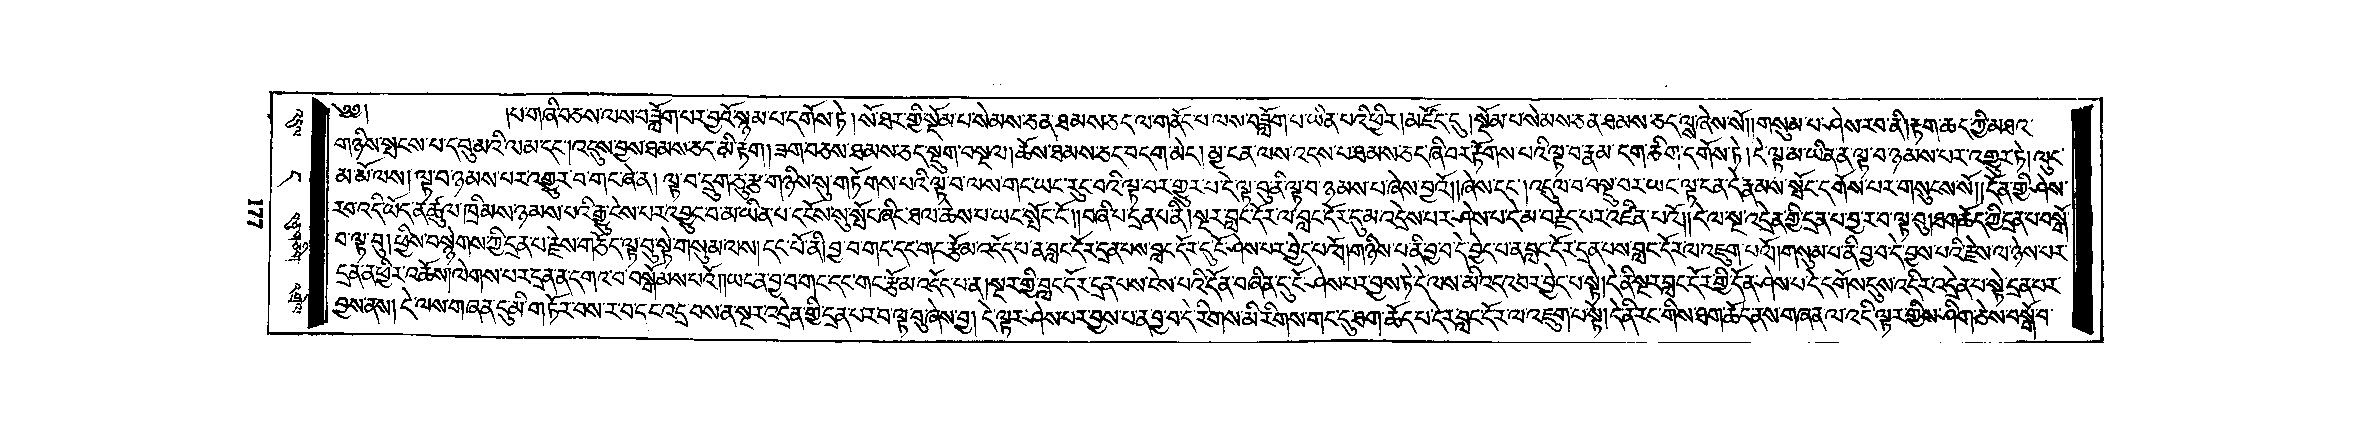༄༅། །པ་གཞི་བཅས་ལས་བཟློག་པར་བྱའོ་སྙམ་པ་དགོས་ཏེ། སོ་ཐར་གྱི་སྡོམ་པ་སེམས་ཅན་ཐམས་ཅད་ལ་གནོད་པ་ལས་བཟློག་པ་ཡིན་པའི་ཕྱིར། མཛོད་དུ། སྡོམ་པ་སེམས་ཅན་ཐམས་ཅད་ལས་ཞེས་སོ། །གསུམ་པ་ཤེས་རབ་ནི། རྟག་ཆད་ཀྱི་མཐའ་
གཉིས་སྤངས་པ་དབུ་མའི་ལམ་དང་། འདུས་བྱས་ཐམས་ཅད་མི་རྟག །ཟག་བཅས་ཐམས་ཅད་སྡུག་བསྔལ། ཆོས་ཐམས་ཅད་བདག་མེད། མྱ་ངན་ལས་འདས་པ་ཐམས་ཅད་ཞི་བར་རྟོགས་པའི་ལྟ་བ་རྣམ་དག་ཅིག་དགོས་ཏེ། དེ་ལྟ་མ་ཡིན་ན་ལྟ་བ་ཉམས་པར་འགྱུར་ཏེ། ལུང་
མ་མོ་ལས། ལྟ་བ་ཉམས་པར་འགྱུར་བ་གང་ཞེ་ན། ལྟ་བ་དྲུག་ཅུ་རྩ་གཉིས་སུ་གཏོགས་པའི་ལྟ་བ་ལས་གང་ཡང་རུང་བའི་ལྟ་བར་གྱུར་པ་དེ་ལྟ་བུ་ནི་ལྟ་བ་ཉམས་པ་ཞེས་བྱའོ། །ཞེས་དང་། འདུལ་བ་བསྡུ་བར་ཡང་ལྟ་ངན་དེ་རྣམས་སྤོང་དགོས་པར་གསུངས་སོ། །དོན་གྱི་ཤེས་
རབ་འདི་ཡོད་ན་ཚུལ་ཁྲིམས་ཉམས་པའི་རྒྱུ་ངེས་པར་འབྱུང་བ་མ་ཡིན་པ་དངོས་སུ་སྤོང་ཞིང་ཐལ་ཆེས་པ་ཡང་སྤོང་ངོ། །བཞི་པ་དྲན་པ་ནི། སྔར་བླང་དོར་ལ་བླང་དོར་དུ་མ་འདྲེས་པར་ཤེས་པ་དེ་མ་བརྗེད་པར་འཛིན་པའོ། །དེ་ལ་སྔ་འདྲེན་གྱི་དྲན་པ་བྱ་ར་བ་ལྟ་བུ། ཐག་ཆོད་ཀྱི་དྲན་པ་བསྒོ་
བ་ལྟ་བུ། ཕྱིས་བསྙེགས་ཀྱི་དྲན་པ་རྗེས་གཅོད་ལྟ་བུ་སྟེ་གསུམ་ལས། དང་པོ་ནི། བྱ་བ་གང་དང་གང་རྩོམ་འདོད་པ་ན་བླང་དོར་དྲན་པས་བླང་དོར་དུ་ངོ་ཤེས་པར་བྱེད་པའོ། །གཉིས་པ་ནི་བྱ་བ་དེ་བྱེད་པ་ན་བླང་དོར་དྲན་པས་བླང་དོར་ལ་འཇུག་པའོ། །གསུམ་པ་ནི་བྱ་བ་དེ་བྱས་པའི་རྗེས་ལ་ཉེས་པར་
དྲན་ན་ཕྱིར་འཆོས། ལེགས་པར་དྲན་ན་དགའ་བ་བསྒོམས་པའོ། །ཡང་ན་བྱ་བ་གང་དང་གང་རྩོམ་འདོད་པ་ན། སྔར་གྱི་བླང་དོར་དྲན་པས་ངེས་པའི་དོན་བཞིན་དུ་ངོ་ཤེས་པར་བྱས་ཏེ་དེ་ལས་མི་འདའ་བར་བྱེད་པ་སྟེ། དེ་ནི་སྔར་བླང་དོར་གྱི་དོན་ཤེས་པ་དེ་དགོས་དུས་འདིར་འདྲེན་པ་སྟེ་དྲན་པར་
བྱས་ནས། དེ་ལས་གཞན་དུ་མི་གཏོར་བས་ར་བ་དང་འདྲ་བས་ན་སྔར་འདྲེན་གྱི་དྲན་པར་བ་ལྟ་བུ་ཞེས་བྱ། དེ་ལྟར་ཤེས་པར་བྱས་པ་ན་བྱ་བ་དེ་རིགས་མི་རིགས་གང་དུ་ཐག་ཆོད་པ་དེར་བླང་དོར་ལ་འཇུག་པ་སྟེ། དེ་ནི་རང་གིས་ཐག་ཆོད་ནས་གཞན་ལ་འདི་ལྟར་གྱིས་ཤིག་ཅེས་བསྒོ་བ་